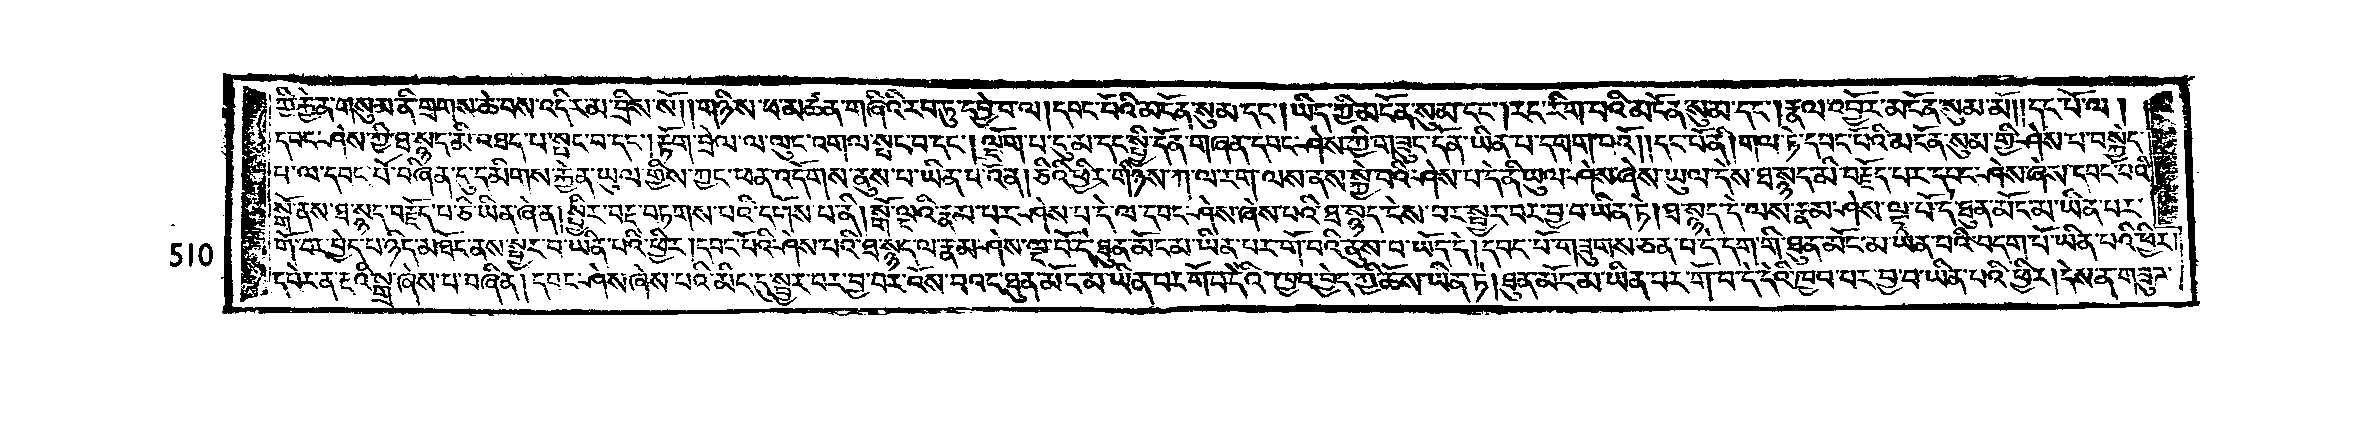ཀྱི་རྐྱེན་གསུམ་ནི་གྲགས་ཆེ་བས་འདིར་མ་བྲིས་སོ། །གཉིས་ཕ་?་མཚན་གཞིའི་རབ་ཏུ་དབྱེ་བ་ལ། དབང་པོའི་མངོན་སུམ་དང་། ཡིད་ཀྱི་མངོན་སུམ་དང་། རང་རིག་པའི་མངོན་སུམ་དང་། རྣལ་འབྱོར་མངོན་སུམ་མོ། །དང་པོ་ལ།
དབང་ཤེས་ཀྱི་ཐ་སྙད་མི་འཐད་པ་སྤང་བ་དང་། རྟོག་བྲེལ་ལ་ལུང་འགལ་སྤང་བ་དང་། ལྡོག་པ་དུ་མ་དང་སྤྱི་དོན་གཞན་དབང་ཤེས་ཀྱི་གཟུང་དོན་ཡིན་པ་དགག་པའོ། །དང་པོ་ནི། གལ་ཏེ་དབང་པོའི་མངོན་སུམ་གྱི་ཤེས་པ་བསྐྱེད་
པ་ལ་དབང་པོ་བཞིན་དུ་དམིགས་རྐྱེན་ཡུལ་གྱིས་ཀྱང་ཕན་འདོགས་ནུས་པ་ཡིན་པ་འོ་ན། ཅིའི་ཕྱིར་གཉིས་ཀ་ལ་རག་ལས་ནས་སྐྱེ་བའི་ཤེས་པ་དེ་ནི་ཡུལ་ཤེས་ཞེས་ཡུལ་དེས་ཐ་སྙད་མི་བརྗོད་པར་དབང་ཤེས་ཞེས་དབང་པོའི་
སྒོ་ནས་ཐ་སྙད་བརྗོད་པ་ཅི་ཡིན་ཞེ་ན། སྤྱིར་བརྡ་བཏགས་པའི་དགོས་པ་ནི། སྒོ་ལྔའི་རྣམ་པར་ཤེས་པ་དེ་ལ་དབང་ཤེས་ཞེས་པའི་ཐ་སྙད་ངེས་པར་སྦྱར་བར་བྱ་བ་ཡིན་ཏེ། ཐ་སྙད་དེ་ལས་རྣམ་ཤེས་ལྔ་པོ་དེ་ཐུན་མོང་མ་ཡིན་པར་
གོ་བར་བྱེད་པ་ཉིད་མཐོང་ནས་སྦྱར་བ་ཡིན་པའི་ཕྱིར། དབང་པོའི་ཤེས་པའི་ཐ་སྙད་ལ་རྣམ་ཤེས་ལྔ་པོ་དེ་ཐུན་མོང་མ་ཡིན་པར་གོ་བའི་ནུས་པ་ཡོད་དེ། དབང་པོ་གཟུགས་ཅན་པ་དེ་དག་གི་ཐུན་མོང་མ་ཡིན་པའི་བདག་པོ་ཡིན་པའི་ཕྱིར།
དཔེར་ན་རྔའི་སྒྲ་ཞེས་པ་བཞིན། དབང་ཤེས་ཞེས་པའི་མིང་དུ་སྦྱར་བར་བྱ་བར་འོས་པའང་ཐུན་མོང་མ་ཡིན་པར་གོ་བ་དེའི་ཁྱབ་བྱེད་ཀྱི་ཆོས་ཡིན་ཏེ། ཐུན་མོང་མ་ཡིན་པར་གོ་བ་དེ་དེའི་ཁྱབ་པར་བྱ་བ་ཡིན་པའི་ཕྱིར། དེས་ན་གཟུཌ་